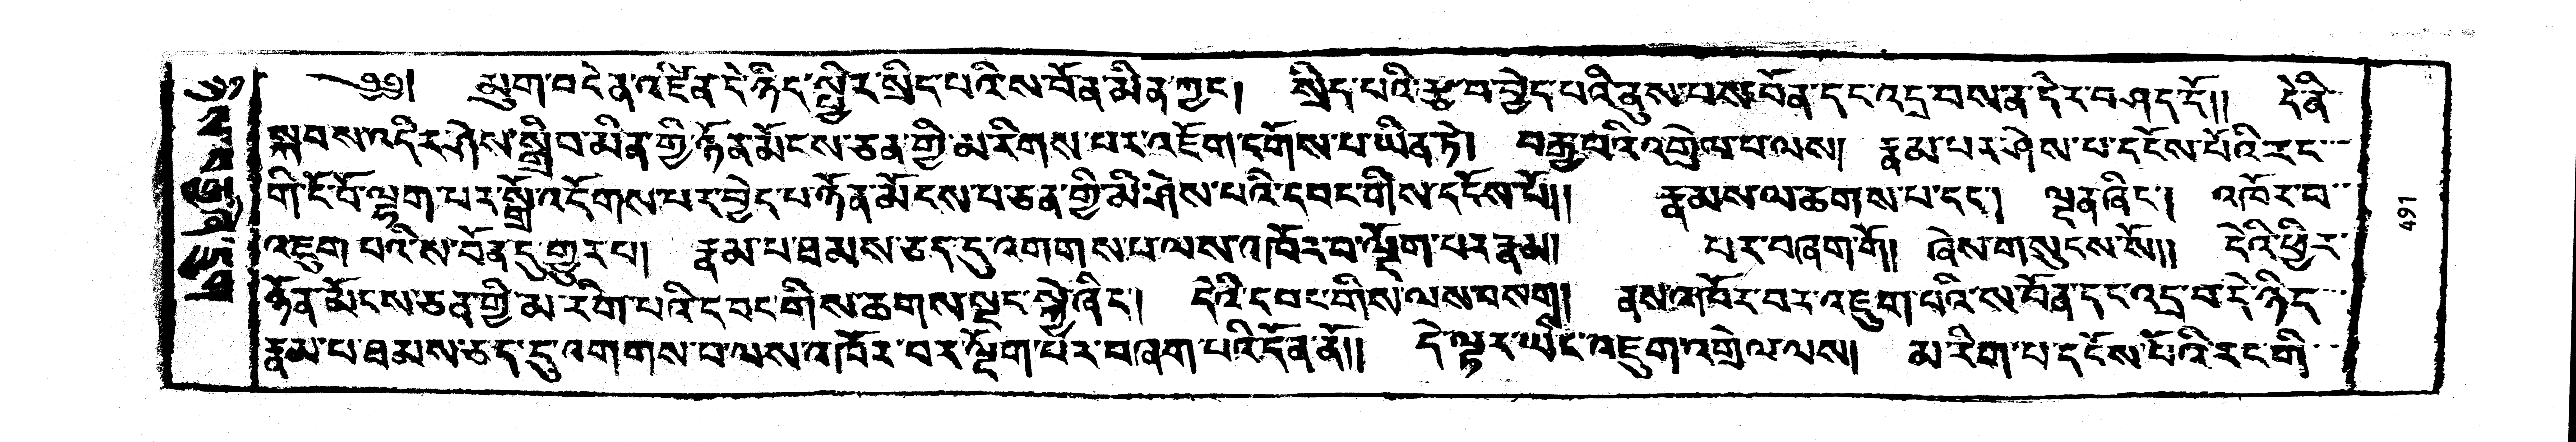༄༅། །མུག་བདེན་འཛིན་དེ་ཉིད་སྤྱིར་སྲིད་པའི་ས་བོན་མིན་ཀྱང་། སྲིད་པའི་རྩ་བ་བྱེད་པའི་ནུས་པ་ས་བོན་དང་འདྲ་བས་ན་དེར་བཤད་དོ། །དེ་ནི་
སྐབས་འདིར་ཤེས་སྒྲིབ་མིན་གྱི་ཉོན་མོངས་ཅན་གྱི་མ་རིགས་པར་འཇོག་དགོས་པ་ཡིན་ཏེ། བརྒྱ་བའི་འགྲེལ་པ་ལས། རྣམ་པར་ཤེས་པ་དངོས་པོའི་རང་
གི་ངོ་བོ་ལྷག་པར་སྒྲོ་འདོགས་པར་བྱེད་པ་ཉོན་མོངས་པ་ཅན་གྱི་མི་ཤེས་པའི་དབང་གིས་དངོས་པོ། །རྣམས་ལ་ཆགས་པ་དང་། ལྡན་ཞིང་། འཁོར་བ་
འཇུག་པའི་ས་བོན་དུ་གྱུར་བ། རྣམ་པ་ཐམས་ཅད་དུ་འགགས་པ་ལས་འཁོར་བ་ལྡོག་པར་རྣམ། པར་བཞག་གོ། ཞེས་གསུངས་སོ། །དེའི་ཕྱིར་
ཉོན་མོངས་ཅན་གྱི་མ་རིག་པའི་དབང་གིས་ཆགས་ལྡང་སྐྱེ་ཞིང་། དེའི་དབང་གིས་ལས་བསགས། ནས་འཁོར་བར་འཇུག་པའི་ས་བོན་དང་འདྲ་བ་དེ་ཉིད་
རྣམ་པ་ཐམས་ཅད་དུ་འགགས་པ་ལས་འཁོར་བར་ལྡོག་པར་བཞག་པའི་དོན་ནོ། །དེ་ལྟར་ཡང་འཇུག་འགྲེལ་ལས། མ་རིག་པ་དངོས་པོའི་རང་གི་